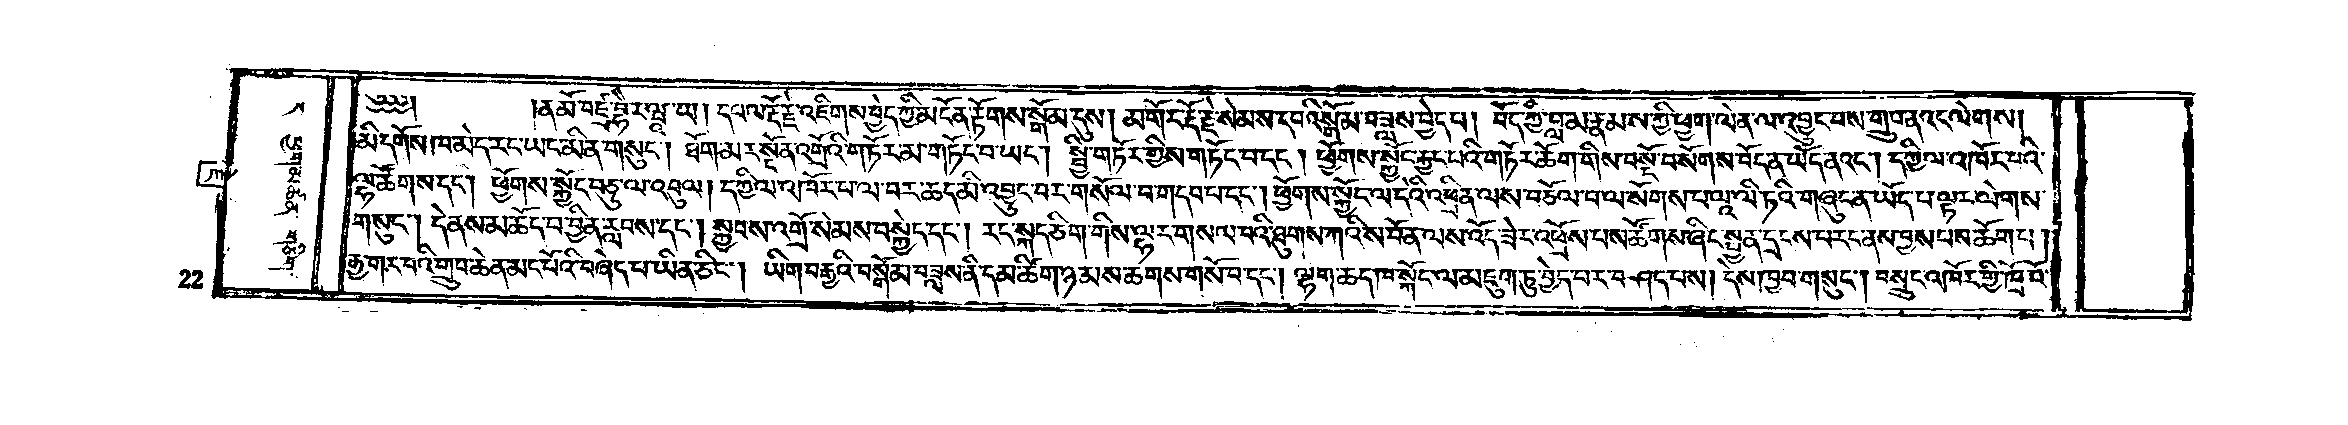༄༅༅། །ན་མོ་བཛྲ་བྷཻ་ར་ཝཱ་ཡ། དཔལ་རྡོ་རྗེ་འཇིགས་བྱེད་ཀྱི་མངོན་རྟོགས་སྒོམ་དུས། མགོར་རྡོ་རྗེ་སེམས་དཔའི་སྒོམ་བཟླས་བྱེད་པ། བོད་ཀྱི་བླ་མ་རྣམས་ཀྱི་ཕྱག་ལེན་ལ་འབྱུང་བས་གྲུབ་ནའང་ལེགས།
མི་དགོས་ཁ་མེད་རང་ཡང་མིན་གསུང་། ཐོག་མར་སྔོན་འགྲོའི་གཏོར་མ་གཏོང་བ་ཡང་། སྤྱི་གཏོར་གྱིས་གཏོང་བ་དང་། ཕྱོགས་སྐྱོང་རྐྱང་པའི་གཏོར་ཆོག་གིས་བསྔོ་བ་སོགས་བོད་ན་ཡོད་ནའང་། དཀྱིལ་འཁོར་བའི་
ལྷ་ཚོགས་དང་། ཕྱོགས་སྐྱོང་བཅུ་ལ་འབུལ། དཀྱིལ་འཁོར་པ་ལ་བར་ཆད་མི་འབྱུང་བར་གསོལ་བ་གདབ་པ་དང་། ཕྱོགས་སྐྱོང་ལ་དེའི་འཕྲིན་ལས་བཅོལ་པ་ལ་སོགས་པ་ལཱ་ལི་ཏའི་གཞུང་ན་ཡོད་པ་ལྟར་ལེགས་
གསུང་། དེ་ནས་མཆོད་པ་བྱིན་རླབས་དང་། སྐྱབས་འགྲོ་སེམས་བསྐྱེད་དང་། རང་སྐད་ཅིག་གིས་ལྷར་གསལ་བའི་ཐུགས་ཀའི་ས་བོན་ལས་འོད་ཟེར་འཕྲོས་པས་ཚོགས་ཞིང་སྤྱན་དྲངས་པ་རང་ནས་བྱས་པས་ཆོག་པ།
རྒྱ་གར་བའི་གྲུབ་ཆེན་མང་པོའི་བཞེད་པ་ཡིན་ཅིང་། ཡིག་བརྒྱའི་བསྒོམ་བཟླས་ནི་དམ་ཚིག་ཉམས་ཆགས་གསོ་བ་དང་། ལྷག་ཆད་ཁ་སྐོང་ལ་མཇུག་ཏུ་བྱེད་པར་བཤད་པས། དེས་ཁྱབ་གསུང་། བསྲུང་འཁོར་གྱི་ཁྲོའོ་